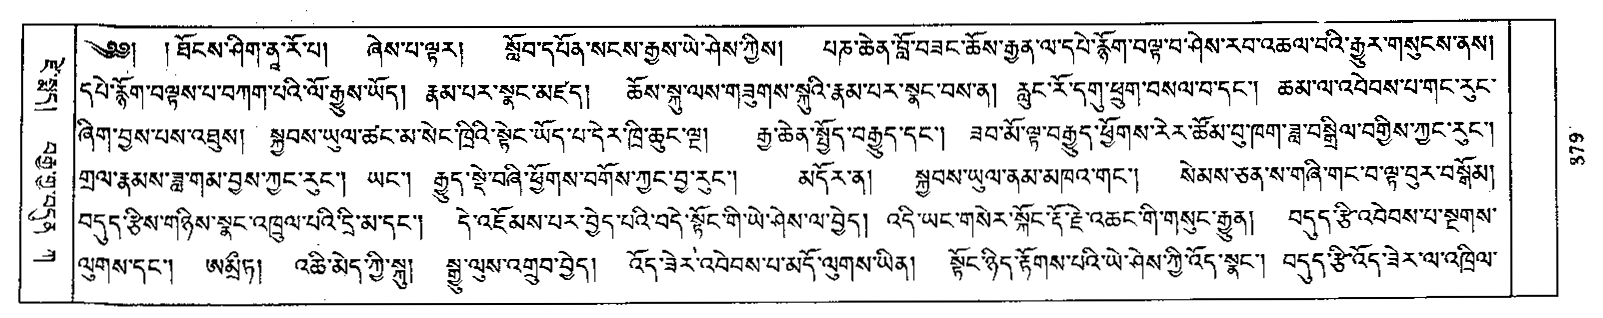༄༅། །ཐོངས་ཤིག་ནཱ་རོ་པ། ཞེས་པ་ལྟར། སློབ་དཔོན་སངས་རྒྱས་ཡེ་ཤེས་ཀྱིས། པཎ་ཆེན་བློ་བཟང་ཆོས་རྒྱན་ལ་དཔེ་རྙོག་བལྟ་བ་ཤེས་རབ་འཆལ་བའི་རྒྱུར་གསུངས་ནས།
དཔེ་རྙོག་བལྟས་པ་བཀག་པའི་ལོ་རྒྱུས་ཡོད། རྣམ་པར་སྣང་མཛད། ཆོས་སྐུ་ལས་གཟུགས་སྐུའི་རྣམ་པར་སྣང་བས་ན། རླུང་རོ་དགུ་ཕྲུག་བསལ་བ་དང་། ཆམ་ལ་འབེབས་པ་གང་རུང་
ཞིག་བྱས་པས་འཐུས། སྐྱབས་ཡུལ་ཚང་མ་སེང་ཁྲིའི་སྟེང་ཡོད་པ་དེར་ཁྲི་ཆུང་ལྔ། རྒྱ་ཆེན་སྤྱོད་བརྒྱུད་དང་། ཟབ་མོ་ལྟ་བརྒྱུད་ཕྱོགས་རེར་ཚོམ་བུ་ཁག་ཟླ་བསྒྲིལ་བགྱིས་ཀྱང་རུང་།
གྲལ་རྣམས་ཟླ་གམ་བྱས་ཀྱང་རུང་། ཡང་། རྒྱུད་སྡེ་བཞི་ཕྱོགས་བགོས་ཀྱང་བྱ་རུང་། མདོར་ན། སྐྱབས་ཡུལ་ནམ་མཁའ་གང་། སེམས་ཅན་ས་གཞི་གང་བ་ལྟ་བུར་བསྒོམ།
བདུད་རྩིས་གཉིས་སྣང་འཁྲུལ་པའི་དྲི་མ་དང་། དེ་འཇོམས་པར་བྱེད་པའི་བདེ་སྟོང་གི་ཡེ་ཤེས་ལ་བྱེད། འདི་ཡང་གསེར་སྐོང་རྡོ་རྗེ་འཆང་གི་གསུང་རྒྱུན། བདུད་རྩི་འབེབས་པ་སྔགས་
ལུགས་དང་། ཨ་མྲྀཏ། འཆི་མེད་ཀྱི་སྐུ། སྒྱུ་ལུས་འགྲུབ་བྱེད། འོད་ཟེར་འབེབས་པ་མདོ་ལུགས་ཡིན། སྟོང་ཉིད་རྟོགས་པའི་ཡེ་ཤེས་ཀྱི་འོད་སྣང་། བདུད་རྩི་འོད་ཟེར་ལ་འཁྲིལ་